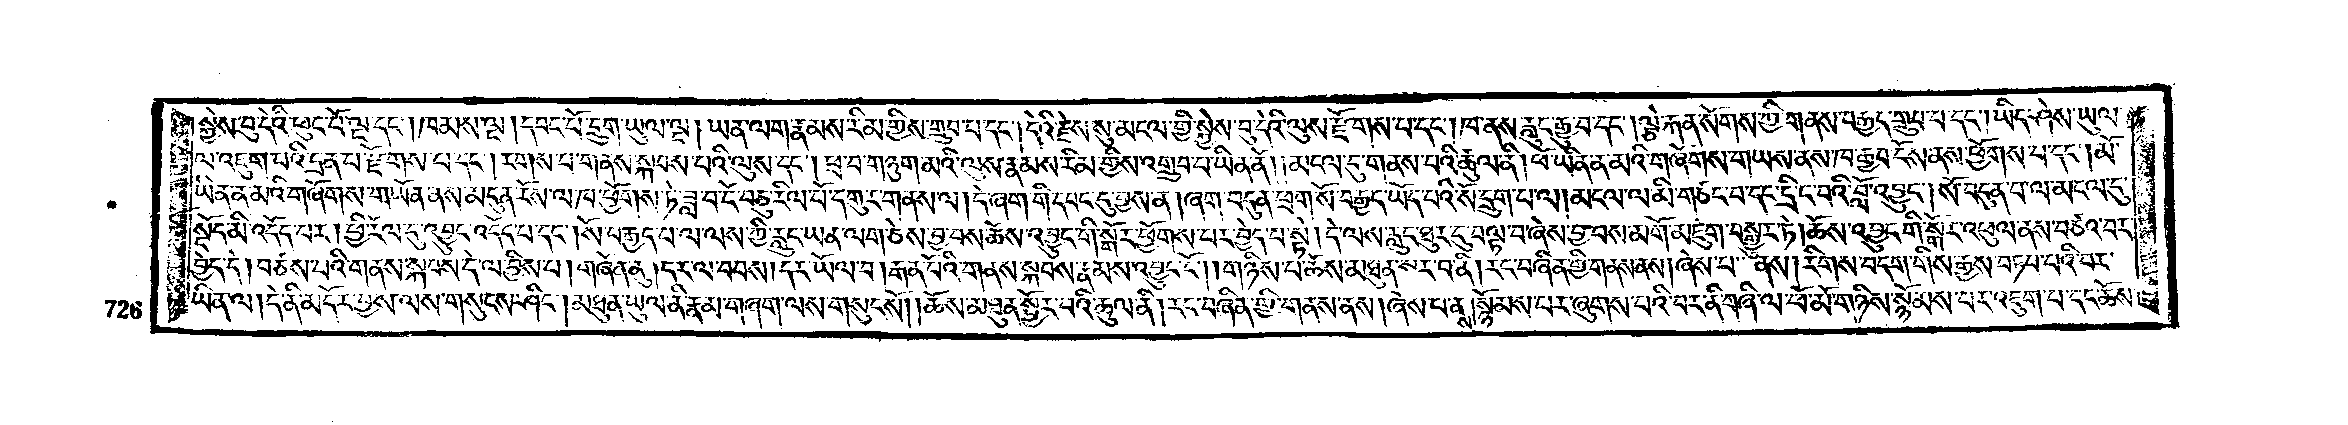སྐྱེས་བུ་དེའི་ཕུང་པོ་ལྔ་དང་། ཁམས་ལྔ། དབང་པོ་དྲུག་ཡུལ་ལྔ། ཡན་ལག་རྣམས་རིམ་གྱིས་གྲུབ་པ་དང་། དེའི་རྗེས་སུ་མངལ་གྱི་སྐྱེས་བུ་དེའི་ལུས་རྫོགས་པ་དང་། ཁ་ནས་རླུང་རྒྱུ་བ་དང་། ལྕེ་རྐན་སོགས་ཀྱི་གནས་བརྒྱད་གྲུབ་པ་དང་། ཡིད་ཤེས་ཡུལ་
ལ་འཇུག་པའི་དྲན་པ་རྫོགས་པ་དང་། རགས་པ་གནས་སྐབས་པའི་ལུས་དང་། ཕྲ་བ་གཉུག་མའི་ལུས་རྣམས་རིམ་གྱིས་འགྲུབ་པ་ཡིན་ནོ། །མངལ་དུ་གནས་པའི་ཚུལ་ནི། ཕོ་ཡིན་ན་མའི་གཞོགས་གཡས་ནས་ཁ་རྒྱབ་ངོས་ནས་ཕྱོགས་པ་དང་། མོ་
ཡིན་ན་མའི་གཞོགས་གཡོན་ནས་མདུན་རོས་ལ་ཁ་ཕྱོགས་ཏེ་ཟླ་བ་ངོ་བཅུ་རིལ་པོ་དགུར་གནས་ལ། དེ་ཞག་གི་དབང་དུ་བྱས་ན། ཞག་བདུན་ཕྲག་སོ་བརྒྱད་ཡོད་པའི་སོ་དྲུག་པ་ལ། མངལ་ལ་མི་གཙང་བ་དང་དྲི་ང་བའི་བློ་འབྱུང་། སོ་བདུན་པ་ལ་མངལ་དུ་
སྡོད་མི་འདོད་པར། ཕྱི་རོལ་དུ་འབྱུང་འདོད་པ་དང་། སོ་བརྒྱད་པ་ལ་ལས་ཀྱི་རླུང་ཡན་ལག་ཅེས་བྱ་བས་ཆོས་འབྱུང་གི་སྐོར་ཕྱོགས་པར་བྱེད་པ་སྟེ། དེ་ལས་རླུང་ཐུར་དུ་བལྟ་བ་ཞེས་བྱ་བས་མགོ་མཇུག་བསྒྱུར་ཏེ། ཆོས་འབྱུང་གི་སྐོར་འཕུལ་ནས་བཙའ་བར་
བྱེད་དེ། བཙས་པའི་གནས་སྐབས་དེ་ལ་བྱིས་པ། གཞོན་ནུ། དར་ལ་བབས། དར་ཡོལ་བ་།རྒན་པོའི་གནས་སྐབས་རྣམས་འབྱུང་ངོ། །གཉིས་པ་ཆོས་མཐུན་སྦྱར་བ་ནི། རང་བཞིན་གྱི་གནས་ནས། ཞེས་པ་ནས། རིགས་བདག་གིས་རྒྱས་བཏབ་པའི་བར་
ཡིན་ལ། དེ་ནི་མདོར་བྱས་ལས་གསུངས་ཤིང་།མཐུན་ཡུལ་ནི་རྣམ་གཞག་ལས་གསུངས་སོ། །ཆོས་མཐུན་སྦྱོར་བའི་ཚུལ་ནི། རང་བཞིན་གྱི་གནས་ནས། ཞེས་པ་ནས། སྙོམས་པར་ཞུགས་པའི་བར་ནི་གཞི་ལ་ཕོ་མོ་གཉིས་སྙོམས་པར་འཇུག་པ་དང་ཆོས་